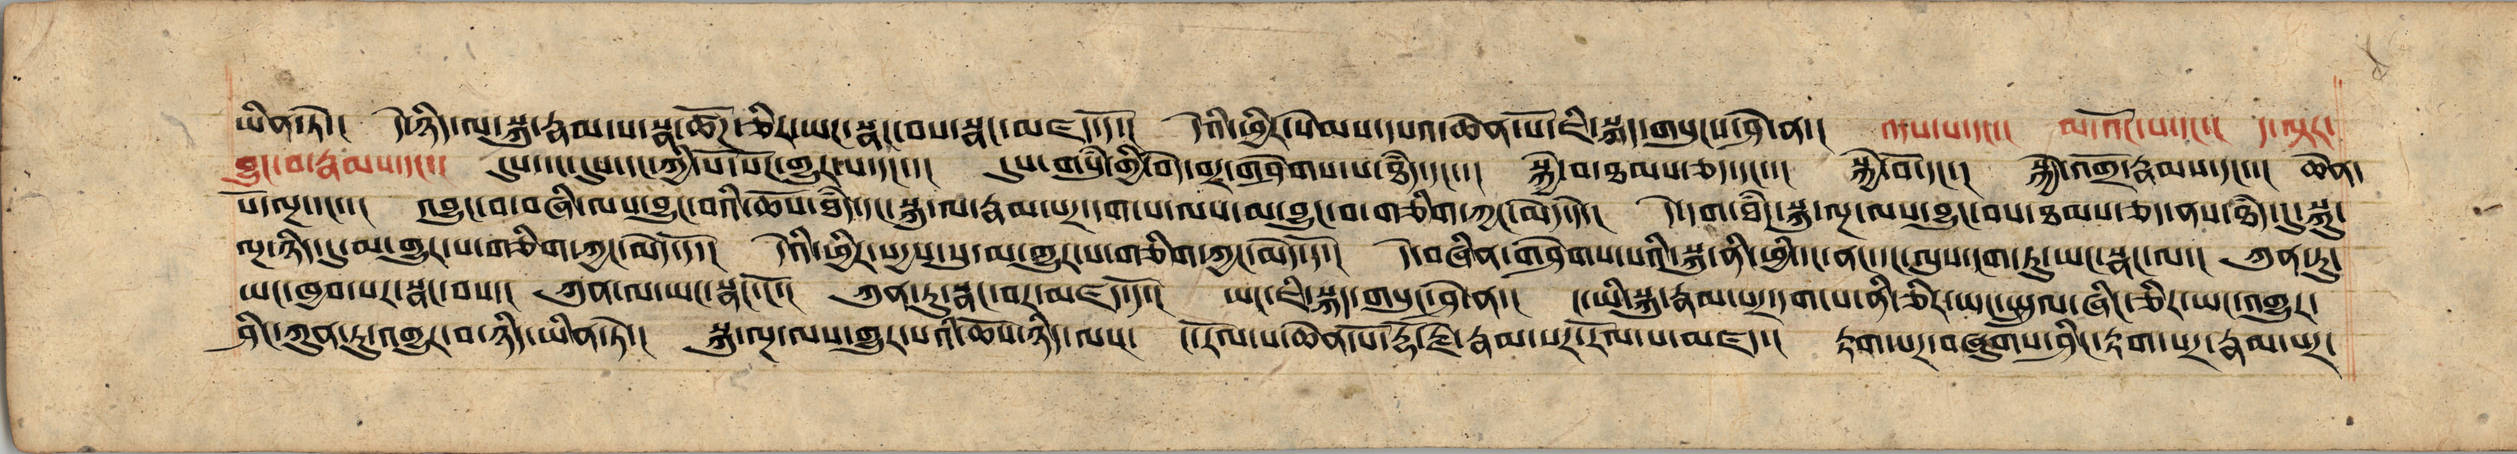ཡིན་ཏེ་། དེ་ཉིད་ལ་སྐུ་རྣམ་པ་སྣ་ཚོཌ་ཅིར་ཡང་སྣང་བས་སྣང་མཛད་དོ་། དེའི་ཕྱིར་སེམས་དཔའ་ཆེན་པོ་ཇི་སྐད་གསུངས་ཤེ་ན་། འདས་པ་དང་། མ་འོང་པ་དང་། ད་ལྟར་
བྱུང་བ་རྣམས་དང་་། དུས་དང་དུས་དང་ཀྱི་སོ་སོཌ་གྱུར་པ་དང་་། དུས་གསུཾ་གྱི་བདེ་བར་གཤེགས་པ་ཐཾད་དང་་། སྐྱེ་བ་ཐམས་ཅད་དང་་། སྐྱེ་བོ་དང་། སྐྱེ་འགྲོ་རྣམས་དང་་། ཆེན་
པོ་ལྔ་དང་་། འབྱུང་བ་བཞི་ལས་བྱུང་བའི་ཆོས་ཐཾད་དང་སྐུ་ལ་རྣམ་པར་དག་པ་ལས་བྱུང་བ་གཅིག་ཀྱང་མེད་དེ་། དེ་དག་ཐཾད་སྐུ་ལྔ་ལས་བྱུང་བས་ཐམས་ཅད་ནས་ཐཾད་དུ་སྐུ་
ལྔ་ཉིད་དུ་མ་གྱུར་པ་གཅིག་ཀྱང་མེད་དོ་། དེའི་ཕྱིར་སདྱས་སུ་མ་གྱུར་པ་གཅིག་ཀྱང་མེད་དོ་། དེ་བཞིན་གཤེགས་པའི་སྐུ་ནི་ཕྱི་དང་ནང་དང་ལུས་ངག་ཏུ་ཡང་སྣང་ལ་། ཀུན་ཏུ་
ཡང་ཁྱབ་པར་སྣང་བས་། ཀུན་ལ་ཡང་སྣང་ངོ་། ཀུན་ཏུ་སྣང་བར་མཛད་དོ་། ཡང་ཇི་སྐད་གསུང་ཤེ་ན་། ང་ཡི་སྐུ་རྣམ་པར་དག་པ་ནི་ཅིར་ཡང་སྤྲུལ་ཞིང་ཅིར་ཡང་འགྱུར་
ཤེང་ཀུན་ཏུ་འགྱུར་བ་ཉིད་ཡིན་ཏེ་། སྐུ་ལྔ་ལས་གྱུར་པའི་ཆོས་ཉིད་ལས་ ང་རོལ་པ་ཆེན་པོ་རྡོ་རྗེ་རྣམ་པར་རོལ་པ་མཛད་། རྟག་པར་བཞུགས་ཤིང་རྟག་པར་རྣམ་པར་